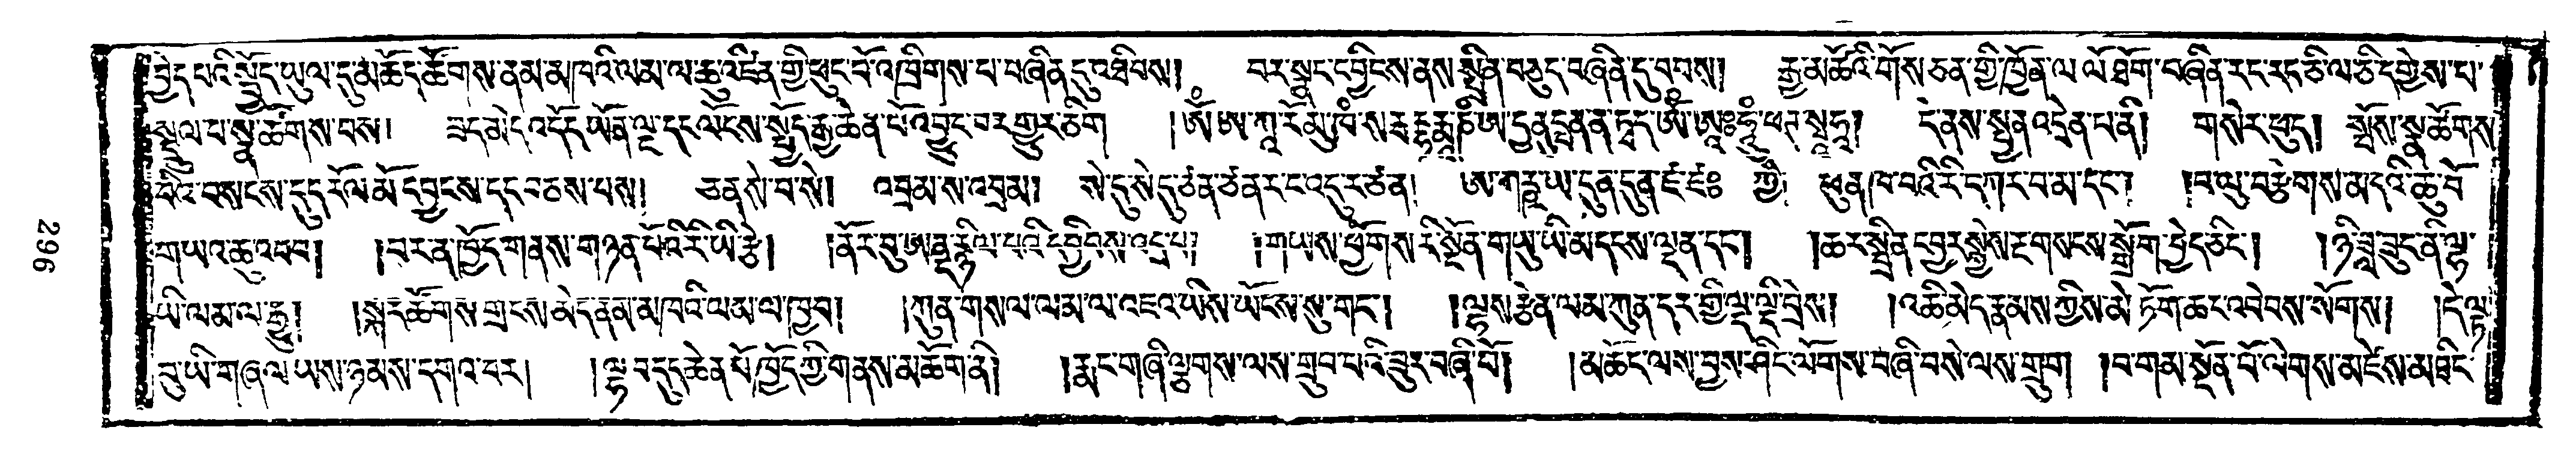བྱེད་པའི་སྤྱོད་ཡུལ་དུ་མཆོད་ཚོགས་ནམ་མཁའི་ལམ་ལ་ཆུ་འཛིན་གྱི་ཕུང་བོ་འཁྲིགས་པ་བཞིན་དུ་འཐིབས། བར་སྣང་དབྱིངས་ནས་སྤྲིན་བཅུད་བཞིན་དུ་བབས། རྒྱ་མཚོའི་གོས་ཅན་གྱི་ཁྱོན་ལ་ལོ་ཐོག་བཞིན་རང་རང་ཅི་ལ་ཅི་དགྱེས་པ་
སྡུལ་པ་སྣ་ཚོགས་པས། ཟད་མེད་འདོད་ཡོན་ལྔ་དང་ལོངས་སྤྱོད་རྒྱ་ཆེན་པོ་འབྱུང་བར་གྱུར་ཅིག །ཨོཾ་ཨ་ཀཱ་རོ་མུ་ཁཾ་སརྦ་དྷརྨཱ་ཎཾ་ཨ་དྱ་ནུདཔན་ན་ཏྭད་ཨོཾ་ཨཱཿཧཱུཾ་ཕཊ་སྭཱཧཱ། དེ་ནས་སྤྱན་འདྲེན་པ་ནི། གསེར་ཕུད། སྤོས་སྣ་ཚོགས་
བའི་བསངས་དུད་རོལ་མོ་དབྱངས་དང་བཅས་པས། ཅན་སེ་བ་སེ། འབྲམ་ས་འབྲམ། སེ་དུ་སེ་དུ་ཙན་ཙན་ར་ང་འདུ་ར་ཙ་ན། ཨ་ཀརྵ་ཡ་དུན་དུན་ཛ་ཛཿ ཀྱི། ཕུན་ཁ་བའི་རི་དཀར་བ་མ་དང་། །བ་ལུ་བརྩེགས་མདའི་ཆུ་བོ་
གཡའ་ཆུ་འབབ། །བར་ན་ཁྱོད་གནས་གཉན་པོའི་རི་ཡི་རྩེ། །ནོར་བུ་ཨནྡ་རྙིལ་བའི་དབྱིབས་འདྲ་པ། །གཡས་ཕྱོགས་རི་སྔོན་གཡུ་ཡི་མདངས་ལྡན་དང་། །ཆར་སྦྲིན་དབྱར་སྐྱེས་རྔ་གསངས་སྒྲོག་བྱེད་ཅིང་། །ཉི་ཟླ་ཟུང་ནི་ལྷ་
ཡི་ལམ་ལ་རྒྱུ། །སྐར་ཚོགས་གྲངས་མེད་ནམ་མཁའི་ལམ་ལ་ཁྱབ། །ཀུན་གསལ་ལམ་ལ་འཇའ་ཡིས་ཡོངས་སུ་གང་། །ལྷས་རྩེན་ལམ་ཀུན་དར་གྱི་ལྡ་ལྡི་བྲེས། །འཆི་མེད་རྣམས་ཀྱིས་མེ་ཏོག་ཆང་འབེབས་སོགས། །དེ་ལྟ་
བུ་ཡི་གཞལ་ཡས་ཉམས་དགའ་བར། །ལྷ་བདུད་ཆེན་པོ་ཁྱོད་ཀྱི་གནས་མཆོག་ནི། །རྨང་གཞི་ལྕགས་ལས་གྲུབ་པའི་ཟུར་བཞི་བོ། །མཆོད་ལས་བྱས་ཤིང་ལོགས་བཞི་བསེ་ལས་གྲུག །བ་གམ་སྔོན་པོ་ལེགས་མཛེས་མཐིང་